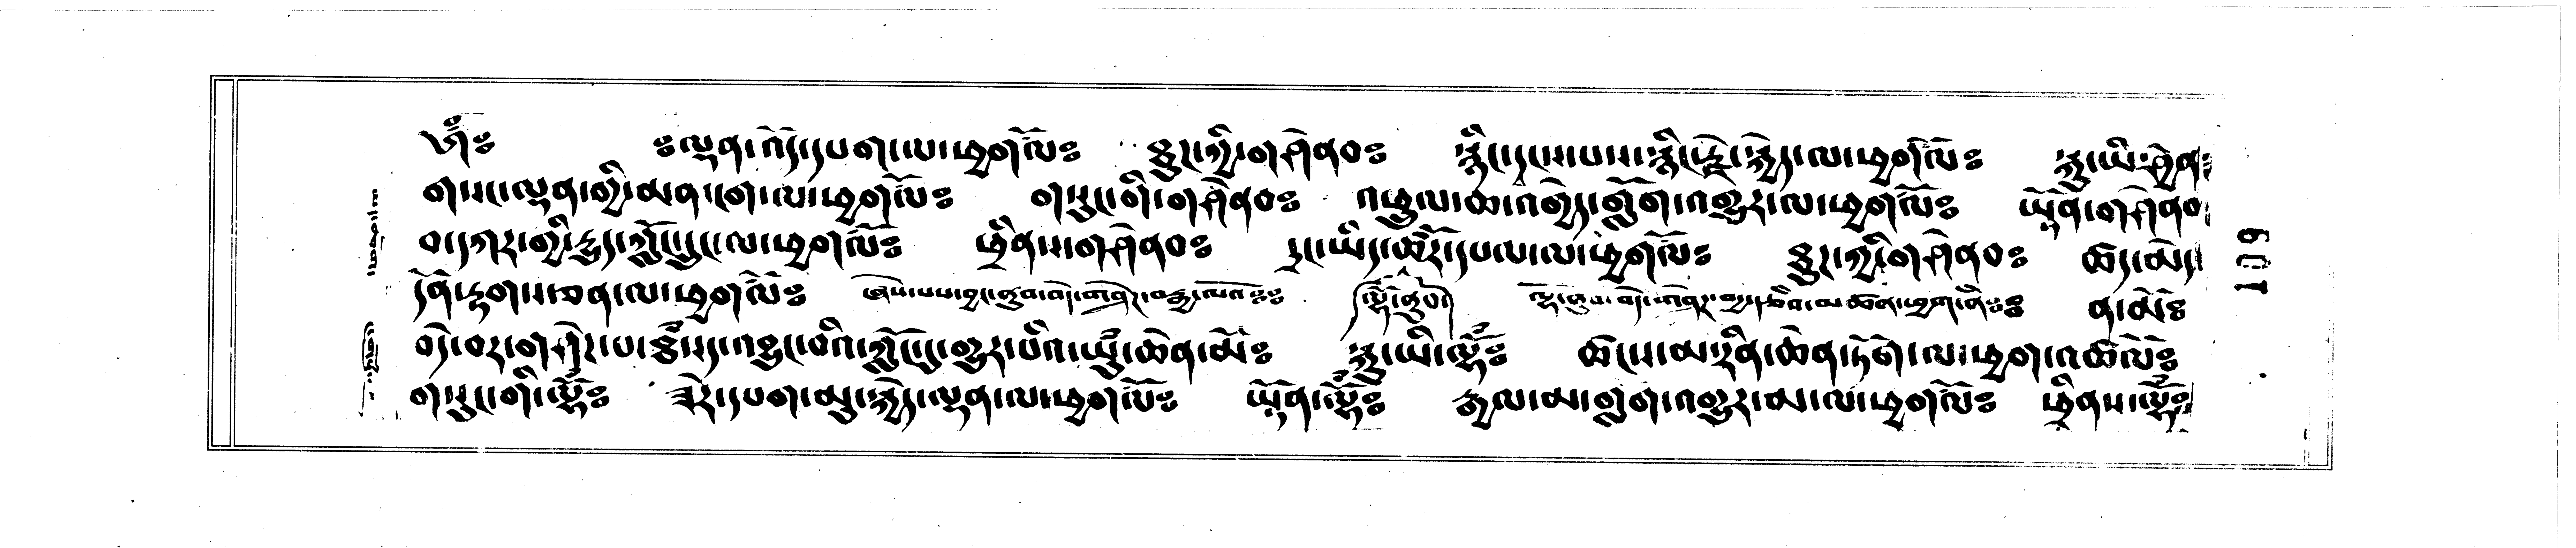ལྡན་འོད་དཔག་ལ་ཕྱག་འཚལ་ལོཿ ཐུགས་ཀྱི་གཤེན་རབཿ སྙིང་དང་པས་སྙིང་རྗེ་སྐྱེད་ལ་ཕྱག་འཚལ་ལོཿ སྐུ་ཡི་གཤེན་རབཿ 
གསང་ལྡན་གྱི་མན་ངག་ལ་ཕྱག་འཚལ་ལོཿ གསུང་གི་གཤེན་རབ་ལཿ འཕྲུལ་ཆ་འགྱེད་གློག་འགྱུ་ལ་ཕྱག་འཚལ་ལོཿ ཡོན་ཏན་གྱི་གཤེན་རབཿ
 བ་དཀར་གྱི་རྒྱུད་ཀློང་དྲུང་ལ་ཕྱག་འཚལ་ལོཿ ཕྲིན་ལས་ཀྱི་གཤེན་རབཿ དྲང་ཡིད་ཚོར་དཔལ་ལ་ཕྱག་འཚལ་ལོཿ ཐུགས་ཀྱི་གཤེན་རབཿ ཚད་མེད་
དོན་རྟགས་ཅན་ལ་ཕྱག་འཚལ་ལོཿ ཞེས་པས་བྱང་ནུབ་བདེར་གཤེགས་བརྒྱ་ལའོཿ ༼ལྷོ་ནུབ༽ལྷོ་ནུབ་བདེར་གཤེགས་བརྒྱ་རྩའི་མཚན་ཕྱག་ནིཿ ན་མོ་
བདེ་བར་གཤེགས་པ་ཐམས་ཅད་ཀློང་དུ་འབྱུང་བའི་ཡུམ་ཆེན་མོཿ སྐུ་ཡི་ལྷ་མོཿ ཚངས་མ་རིན་ཆེན་ཏོག་ལ་ཕྱག་འཚལ་ལོཿ
 གསུང་གི་ལྷ་མོཿ ཟེར་དཔག་མུ་སྐྱེད་ལྡན་ལ་ཕྱག་འཚལ་ལོཿ ཡོན་ཏན་གྱི་ལྷ་མོཿ རྒྱལ་མོ་གློག་འགྱུར་མ་ལ་ཕྱག་འཚལ་ལོཿ ཕྲིན་ལས་ཀྱི་ལྷ་མོཿ